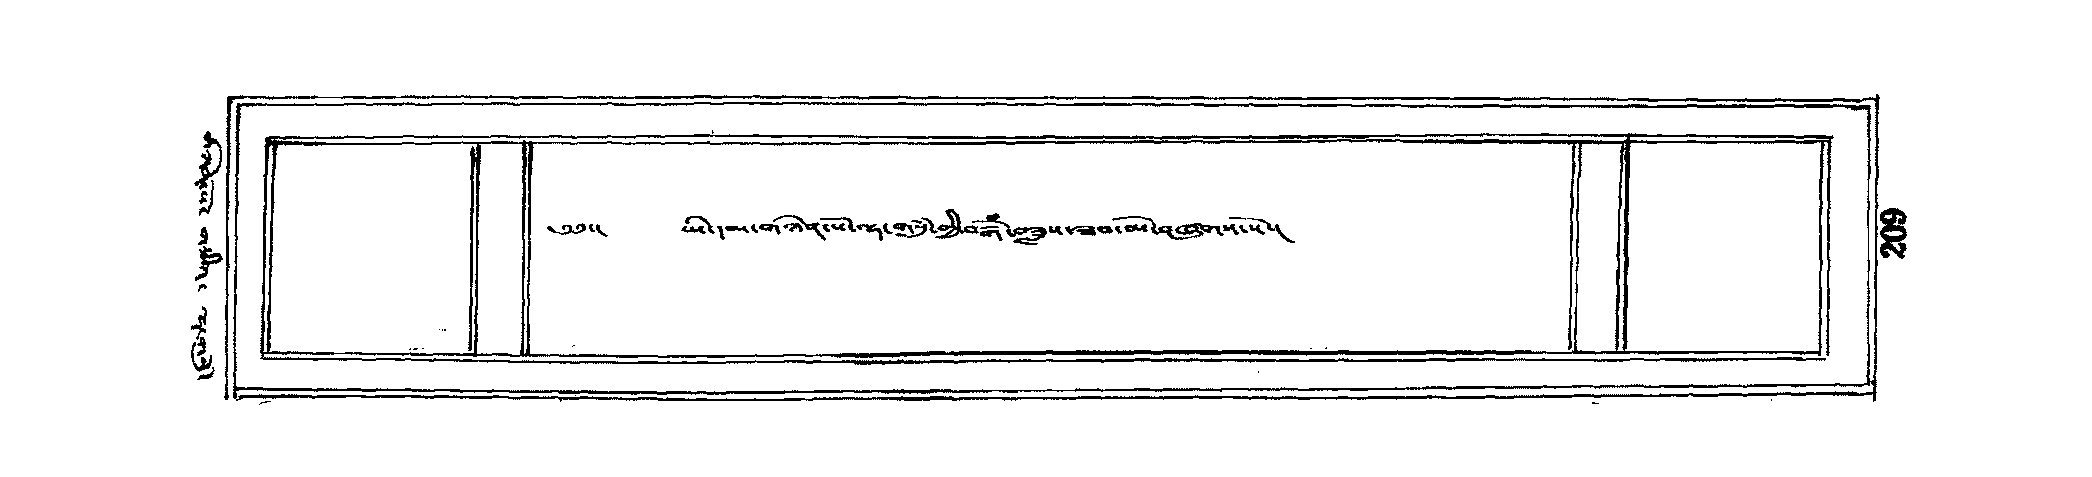༄༅། ཡི་དམ་གཉེན་པོ་ལྷ་གསུམ་གྱི་བསྒོམ་བཟླས་ཟབ་མོ་བཞུགས་སོ།།